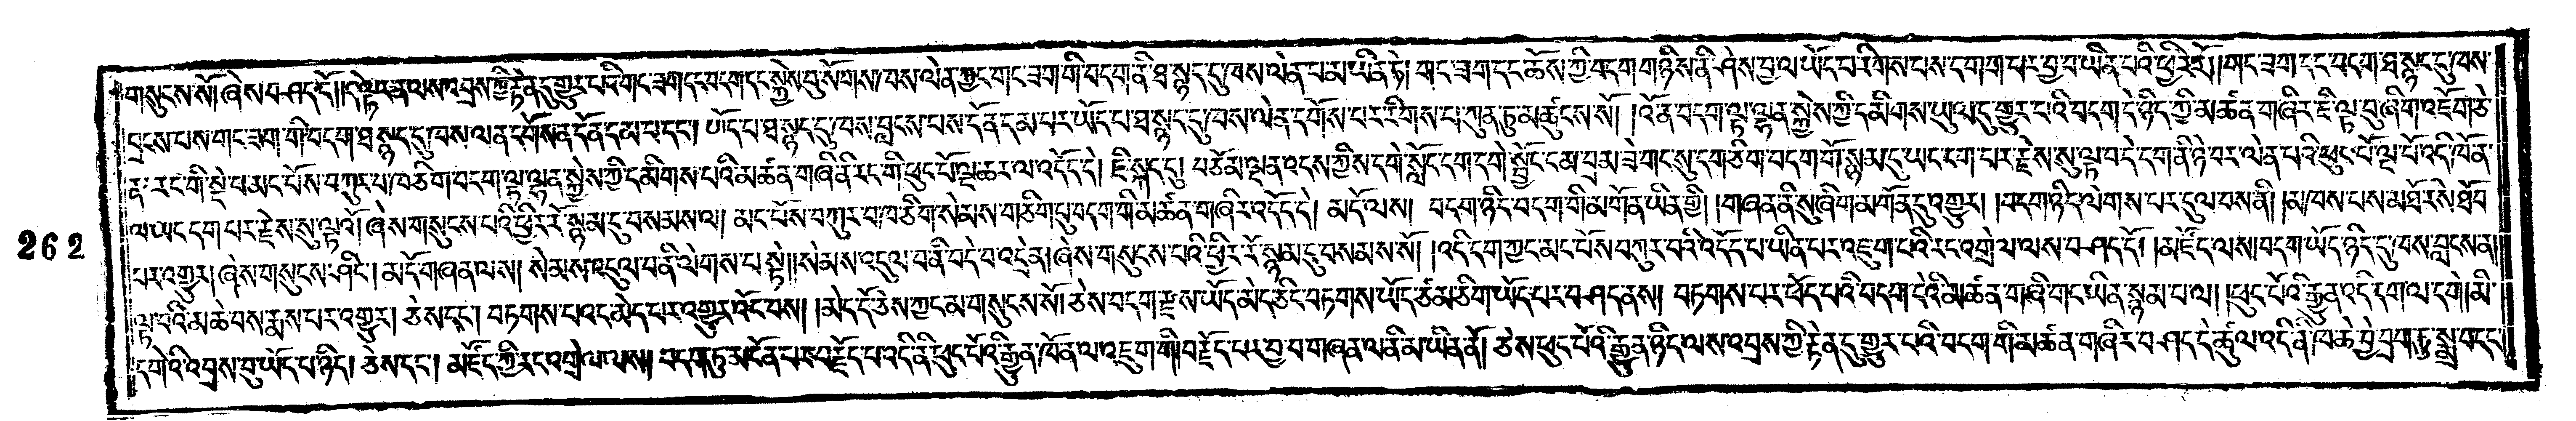གསུངས་སོ། ཞེས་བཤད་དོ། །དེ་ལྟར་ན་ལས་འབྲས་ཀྱི་རྟེན་དུ་གྱུར་པའི་གང་ཟག་དང་བདག་དང་སྐྱེས་བུ་སོགས་ཁས་ལེན་ཀྱང་གང་ཟག་གི་བདག་ནི་ཐ་སྙད་དུ་ཁས་ལེན་པ་མ་ཡིན་ཏེ། གང་ཟག་དང་ཆོས་ཀྱི་བདག་གཉིས་ནི་ཤེས་བྱ་ལ་ཡོད་བ་རིགས་པས་དགག་པར་བྱ་བ་ཡིན་པའི་ཕྱིར་རོ། །གང་ཟག་དང་བདག་ཐ་སྙད་དུ་ཁས་
བྲངས་པས་གང་ཟག་ག་བདག་ཐ་སྙད་དུ་ཁས་ལན་དགོས་ན་དོན་དམ་བ་དང་། ཡོད་པ་ཐ་སྙད་དུ་ཁས་བླངས་པས་དོན་དམ་པར་ཡོད་པ་ཐ་སྙད་དུ་ཁས་ལེན་དགོས་པར་རིགས་པ་ཀུན་ཏུ་མཚུངས་སོ། །འོ་ན་བདག་ལྟ་ལྷན་སྐྱེས་ཀྱི་དམིགས་ཡུལ་དུ་གྱུར་པའི་བདག་དེ་ཉིད་ཀྱི་མཚན་གཞིར་ཇི་ལྟ་བུ་ཞིག་འཇོག་ཅེ་
ན་རང་གི་སྡེ་པ་མང་པོས་བཀུར་བ་ཁ་ཅིག་བདག་ལྟ་ལྷན་སྐྱེས་ཀྱི་དམིགས་པའི་མཚན་གཞི་ནི་རང་གི་ཕུང་པོ་ལྔ་ཆར་ལ་འདོད་དེ། ཇི་སྐད་དུ། བཅོམ་ལྡན་འདས་ཀྱིས་དགེ་སློང་དག་དགེ་སྦྱོང་ངམ་བྲམ་ཟེ་གང་སུ་དག་ཅིག་བདག་གོ་སྙམ་དུ་ཡང་དག་པར་རྗེས་སུ་ལྟ་བ་དེ་དག་ནི་ཉེ་བར་ལེན་པའི་ཕུང་པོ་ལྔ་པོ་འདི་ཁོ་ན་
ལ་ཡང་དག་པར་རྗེས་སུ་ལྟའོ། ཞེས་གསུངས་པའི་ཕྱིར་རོ་སྙམ་དུ་བསམས་ལ། མང་པོས་བཀུར་བ་ཁ་ཅིག་སེམས་གཅིག་པུ་བདག་གི་མཚན་གཞིར་འདོད་དེ། མདོ་ལས། བདག་ཉིད་བདག་གི་མགོན་ཡིན་གྱི། །གཞན་ནི་སུ་ཞིག་མགོན་དུ་འགྱུར། །བདག་ཉིད་ལེགས་པར་དུལ་བས་ནི། །མཁས་པས་མཐོ་རེས་?་ཐོབ་
བར་འགྱུར། ཞེས་གསུངས་ཤིང་། མདོ་གཞན་ལས། སེམས་འདུལ་བ་ནི་ལེགས་པ་སྟེ། །སེམས་འདུལ་བ་ནི་བདེ་བ་འདྲེན། ཞེས་གསུངས་པའི་ཕྱིར་རོ་སྙམ་དུ་བསམས་སོ། །འདི་དག་ཀྱང་མང་པོས་བཀུར་བའི་འདོད་པ་ཡིན་པར་འཇུག་པའི་རང་འགྲེལ་ལས་བཤད་དོ། །མཛོད་ལས། བདག་ཡོད་ཉིད་དུ་ཁས་བླངས་ན།
ལྟ་བའི་མཆེ་བས་རྨས་པར་འགྱུར། ཅེས་དང་། བཏགས་པའང་མེད་པར་འགྱུར་འོང་བས། །མེད་དོ་ཅེས་ཀྱང་མ་གསུངས་སོ། ཅེས་བདག་རྫས་ཡོད་མེད་ཅིང་བཏགས་ཡོད་ཙམ་ཅིག་ཡོད་པར་བཤད་ནས། བཏགས་པར་ཕོད་པའི་བདག་དེའི་མཚན་གཞི་གང་ཡིན་སྙམ་པ་ལ། །ཕུང་པོའི་རྒྱུན་འདི་དག་ལ་དགེ། མི་
དགེའི་འབྲས་བུ་ཡོད་པ་ཉིད། ཅེས་དང་། མཛོད་ཀྱི་རང་འགྲེལ་ལས། བདག་ཏུ་མངོན་པར་བརྗོད་པ་འདི་ནི་ཕུང་པོའི་རྒྱུན་ཁོ་ན་ལ་འཇུག་གི། བརྗོད་པར་བྱ་བ་གཞན་ལ་ནི་མ་ཡིན་ནོ། ཅེས་ཕུང་པོའི་རྒྱུན་ཉིད་ལས་འབྲས་ཀྱི་རྟེན་དུ་གྱུར་པའི་བདག་གི་མཚན་གཞིར་བཤད་དེ་ཚུལ་འདི་ནི་ཁ་ཆེ་བྱེ་བྲག་ཏུ་སྨྲ་བ་དང་